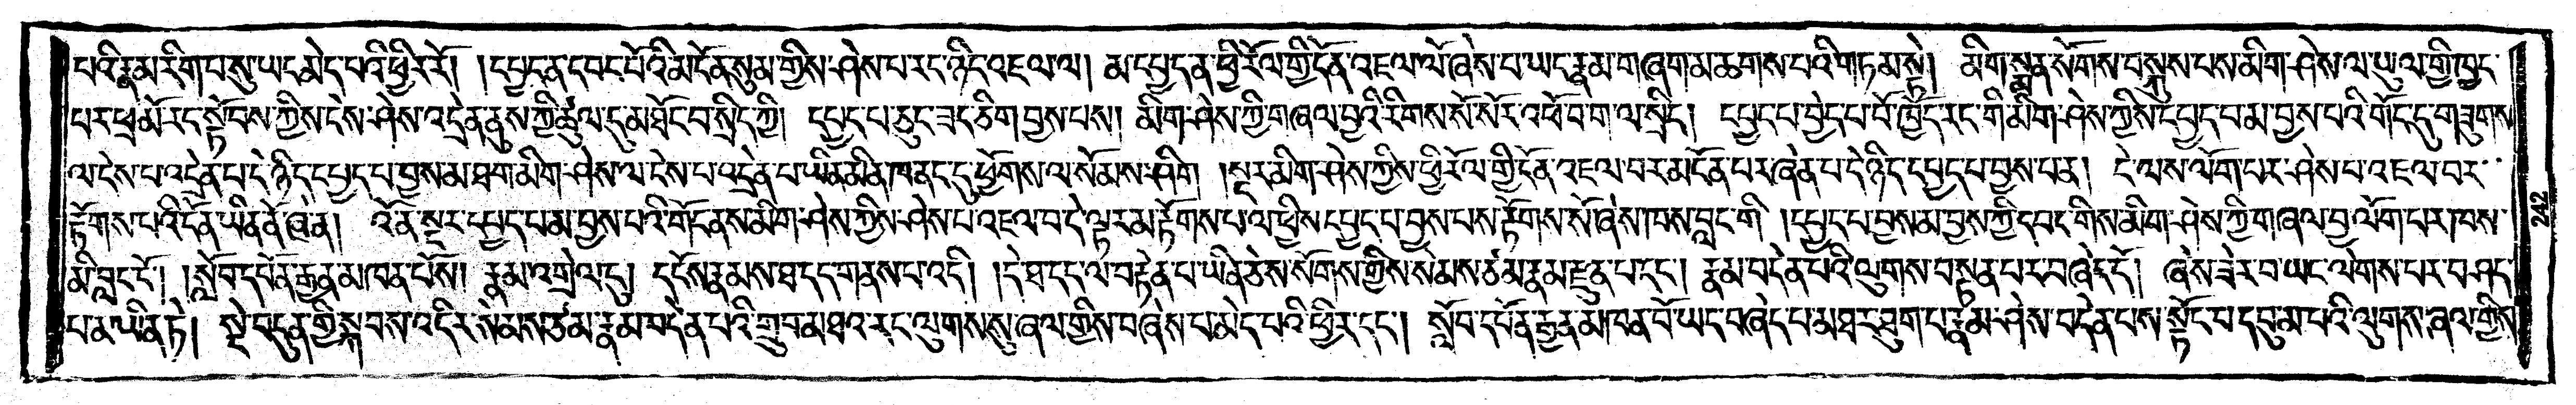པའི་རྣམ་རིག་པ་སུ་ཡང་མེད་པའི་ཕྱིར་རོ། །དཔྱད་ན་དབང་པོའི་མངོན་སུམ་གྱིས་ཤེས་པ་རང་ཉིད་འཇལ་ལ། མ་དཔྱད་ན་ཕྱི་རོལ་གྱི་དོན་འཇལ་ལོ་ཞེས་པ་ཡང་རྣམ་གཞག་མ་ཆགས་པའི་གཏམ་སྟེ། མིག་སྨན་སོགས་བསྐུས་པས་མིག་ཤེས་ལ་ཡུལ་གྱི་ཁྱད་
པར་ཕྲ་མོ་རང་སྟོབས་ཀྱིས་ངེས་ཤེས་འདྲེན་ནུས་ཀྱི་ཚུལ་དུ་མཐོང་བ་སྲིད་ཀྱི། དཔྱད་པ་ཅུང་ཟད་ཅིག་བྱས་པས། མིག་ཤེས་ཀྱི་གཞལ་བྱའི་རིགས་སོ་སོར་འཕོ་བ་ག་ལ་སྲིད། དཔྱད་པ་བྱེད་པ་པོ་ཁྱོད་རང་གི་མིག་ཤེས་ཀྱིས་དཔྱད་པ་མ་བྱས་པའི་གོང་དུ་གཟུགས་
ལ་ངེས་པ་འདྲེན་པ་དེ་ཉིད་དཔྱད་པ་བྱས་མ་ཐག་མིག་ཤེས་ལ་ངེས་པ་འདྲེན་པ་ཡིན་མིན་ཁ་ནང་དུ་ཕྱོགས་ལ་སོམས་ཤིག །སྔར་མིག་ཤེས་ཀྱིས་ཕྱི་རོལ་གྱི་དོན་འཇལ་བར་མངོན་པར་ཞེན་པ་དེ་ཉིད་དཔྱད་པ་བྱས་པ་ན། དེ་ལས་ལོག་པར་ཤེས་པ་འཇལ་བར་
རྟོགས་པའི་དོན་ཡིན་ནོ་ཞེ་ན། འོ་ན་སྔར་དཔྱད་པ་མ་བྱས་པའི་གོང་ནས་མིག་ཤེས་ཀྱིས་ཤེས་པ་འཇལ་བ་དེ་ལྟར་མ་རྟོགས་པ་ལ་ཕྱིས་དཔྱད་པ་བྱས་པས་རྟོགས་སོ་ཞེས་ཁས་བླང་གི །དཔྱད་པ་བྱས་མ་བྱས་ཀྱི་དབང་གིས་མིག་ཤེས་ཀྱི་གཞལ་བྱ་ལོག་པར་ཁས་
མི་བླང་ངོ། །སློབ་དཔོན་རྒྱན་མཁན་པོས། རྣམ་འགྲེལ་དུ། དངོས་རྣམས་ཐ་དད་གནས་པ་འདི། །དེ་ཐ་དད་ལ་བརྟེན་པ་ཡིན་ཅེས་སོགས་ཀྱིས་སེམས་ཙམ་རྣམ་རྫུན་པ་དང་། རྣམ་བདེན་པའི་ལུགས་བསྟན་པར་བཞེད་དོ། ཞེས་ཟེར་བ་ཡང་ལེགས་པར་བཤད་
པ་མ་ཡིན་ཏེ། སྡེ་བདུན་གྱི་སྐབས་འདིར་སེམས་ཙམ་རྣམ་བདེན་པའི་གྲུབ་མཐའ་རང་ལུགས་སུ་ཞལ་གྱིས་བཞེས་པ་མེད་པའི་ཕྱིར་དང་། སློབ་དཔོན་རྒྱན་མཁན་པོ་ཡང་བཞེད་པ་མཐར་ཐུག་པ་རྣམ་ཤེས་བདེན་པས་སྟོང་པ་དབུ་མ་པའི་ལུགས་ཞལ་གྱིས་